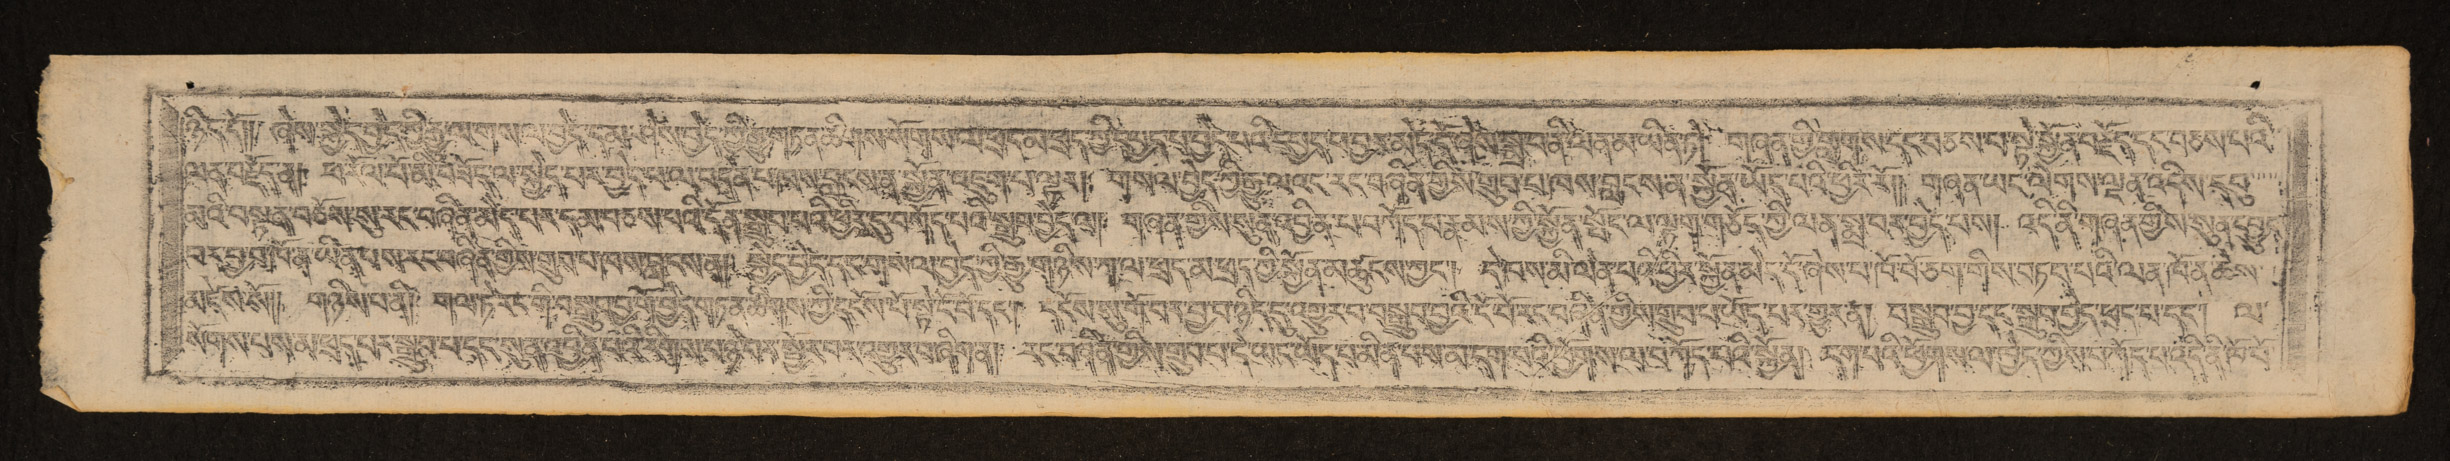ཉིད་དོ།། ཞེས་སྐྱེད་བྱེད་ཀྱི་རྒྱུ་ལ་གསལ་བྱེད་དམ་ཤེས་བྱེད་ཀྱི་རྒྱུ་གཏན་ཚིགས་སོགས་ལ་ཕྲད་མ་ཕྲད་ཀྱི་དཔྱད་པ་བྱེད་པའི་དཔྱད་པ་བྱར་མེད་དོ་ཞེས་སྨྲ་བ་ནི་ལན་མ་ཡིན་ཏེ། གཞན་གྱི་གླགས་དང་བཅས་པ་སྟེ་སྐྱོན་བརྗོད་དང་བཅས་པའི་
ལན་བརྗོད་ན། ཕ་རོལ་པོ་མི་བཟོད་ལ་སྐྱེད་པར་བྱེད་པ་ལ་བདེན་པ་ཁས་བླངས་ན་སྐྱོན་འཇུག་པ་ལྟར། གསལ་བྱེད་ཀྱི་རྒྱུ་ལའང་རང་བཞིན་གྱིས་གྲུབ་པ་ཁས་བླངས་ན་སྐྱོན་ཡོད་པའི་ཕྱིར་རོ།། གཞན་ཡང་ལེགས་ལྡན་འདིས་དབུ་
མའི་བསྟན་བཅོས་སུ་རང་བཞིན་མེད་པར་དམ་བཅས་པའི་དོན་སྒྲུབ་པའི་ཕྱིར་དུ་བཀོད་པའི་སྒྲུབ་བྱེད་ལ། གཞན་གྱིས་སུན་འབྱིན་པ་བཀོད་པ་རྣམས་ཀྱི་སྐྱོན་སྤོང་ལ་ལྟག་གཅོད་ཀྱི་ལན་སྨྲ་བར་བྱེད་པས། འདི་ནི་གཞན་གྱིས་སུན་དབྱུང་
བར་བྱ་པ་ཁོ་ན་ཡིན་པས་རང་བཞིན་གྱིས་གྲུབ་པ་ཁས་བླངས་ན། སྐྱེད་བྱེད་དང་གསལ་བྱེད་ཀྱི་རྒྱུ་གཉིས་ཀ་ལ་ཕྲད་མ་ཕྲད་ཀྱི་སྐྱོན་མཚུངས་ཀྱང་། དེ་ཁས་མི་ལེན་པའི་ཕྱིར་སྐྱོན་མེད་དོ་ཞེས་པ་ཁོ་པོ་ཅག་གིས་བཏབ་པའི་ལན་ཁོ་ན་ཆེས་
མཛེས་སོ།། གཉིས་པ་ནི། གལ་ཏེ་རང་གི་བསྒྲུབ་བྱ་གོ་བྱེད་གཏན་ཚིགས་ཀྱི་དངོས་པོ་སྟེ་ངོ་བོ་དང་། དངོས་སུ་གོ་བར་བྱ་བ་ཉིད་དུ་འགྱུར་བ་བསྒྲུབ་བྱའི་ངོ་བོ་རང་བཞིན་གྱིས་གྲུབ་པ་ཡོད་པར་གྱུར་ན། བསྒྲུབ་བྱ་དང་སྒྲུབ་བྱེད་ཕྲད་པ་དང་། ལ་
སོགས་པས་མ་ཕྲད་པར་སྒྲུབ་པ་དང་སུན་འབྱིན་པའི་རིགས་པ་ཉེ་བར་སྦྱོར་བར་འགྱུར་བ་ཞིག་ན། རང་བཞིན་གྱིས་གྲུབ་པ་དེ་ཡང་ཡོད་པ་མིན་པས་མ་དག་པའི་ཕྱོགས་ལ་བཀོད་པའི་སྐྱོན། དག་པའི་ཕྱོགས་ལ་ཁྱེད་ཀྱིས་བཀོད་པ་འདི་ནི་ཁོ་བོ་